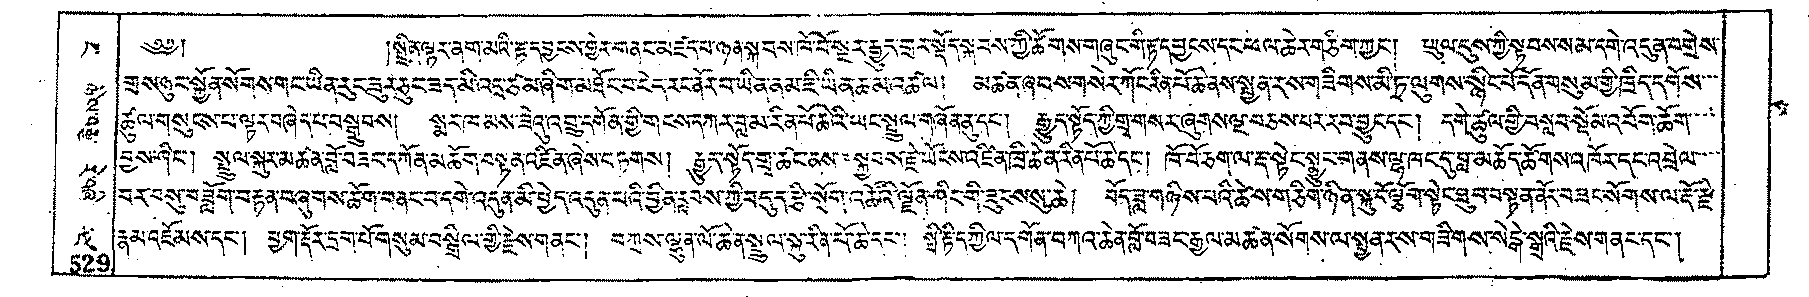༄༅། །སྤྲིན་ལྟར་ནག་མའི་རྟ་དབྱངས་གྱེར་གནང་མཛད་པ་ཉན་སྐབས་ཁོ་བོ་སྔར་རྒྱུད་གྲར་སྡོད་སྐབས་ཀྱི་ཚོགས་གཞུང་གི་རྟ་དབྱངས་དང་ཕལ་ཆེར་གཅིག་ཀྱང་། ཡུལ་དུས་ཀྱི་སྟབས་སམ་དགེ་འདུན་བགྲེས་
གྲས་ཉུང་སྐྱོན་སོགས་གང་ཡིན་རུང་ཟུར་ཅུང་ཟད་མི་འདྲ་ཙམ་ཞིག་མཐོང་བ་ངེད་རང་ནོར་བ་ཡིན་ནམ་ཇི་ཡིན་ཆ་མ་འཚལ། མཚན་ཞབས་གསེར་ཀོང་རིན་པོ་ཆེ་ནས་སྤྱན་རས་གཟིགས་མི་ཏྲ་ལུགས་སྙིང་པོ་དོན་གསུམ་གྱི་ཁྲིད་དགོས་
ཚུལ་གསུངས་པ་ལྟར་བཞེད་པ་བསྒྲུབས། སྨར་ཁམས་ཟེའུ་འབྲུ་དགོན་གྱི་གངས་དཀར་བླ་མ་རིན་པོ་ཆེའི་ཡང་སྤྲུལ་གཞོན་ནུ་དང་། རྒྱུད་སྟོད་ཀྱི་གྲྭ་གསར་ཞུགས་ལྔ་བཅས་པར་རབ་བྱུང་དང་། དགེ་ཚུལ་གྱི་བསླབ་སྡོམ་འབོག་ཆོག་
བྱས་ཤིང་། སྤྲུལ་སྐུར་མཚན་བློ་བཟང་དཀོན་མཆོག་བསྟན་འཛིན་ཞེས་བཏགས། རྒྱུད་སྟོད་གྲྭ་ཚང་ནས་༧སྐྱབས་རྗེ་ཡོངས་འཛིན་ཁྲི་ཆེན་རིན་པོ་ཆེ་དང་། ཁོ་བོ་ཅག་ལ་རྡ་སྟེང་སྨྱུང་གནས་ལྷ་ཁང་དུ་བླ་མཆོད་ཚོགས་འཁོར་དང་འབྲེལ་
བར་བསུ་བཟློག་བརྟན་བཞུགས་ཆོག་གནང་བ་དགེ་འདུན་མི་ཕྱེད་འདུན་པའི་བྱིན་རླབས་ཀྱི་བདུད་རྩི་སྲོག་འཚོའི་ལྗོན་ཤིང་གི་ཟུངས་སུ་ཆེ། བོད་ཟླ་གཉིས་པའི་ཚེས་གཅིག་ཉིན་སྐུ་ངོ་ལྕོག་སྟེང་ཐུབ་བསྟན་ནོར་བཟང་སོགས་ལ་རྡོ་རྗེ་
རྣམ་འཇོམས་དང་། ཕྱག་རྡོར་དྲག་པོ་གསུམ་བསྒྲིལ་གྱི་རྗེས་གནང་། བཀྲས་ལྷུན་ལོ་ཆེན་སྤྲུལ་སྐུ་རིན་པོ་ཆེ་དང་། སྤི་རྟི་དཀྱིལ་དགོན་བཀའ་ཆེན་བློ་བཟང་རྒྱལ་མཚན་སོགས་ལ་སྤྱན་རས་གཟིགས་སེངྒེ་སྒྲའི་རྗེས་གནང་དང་།